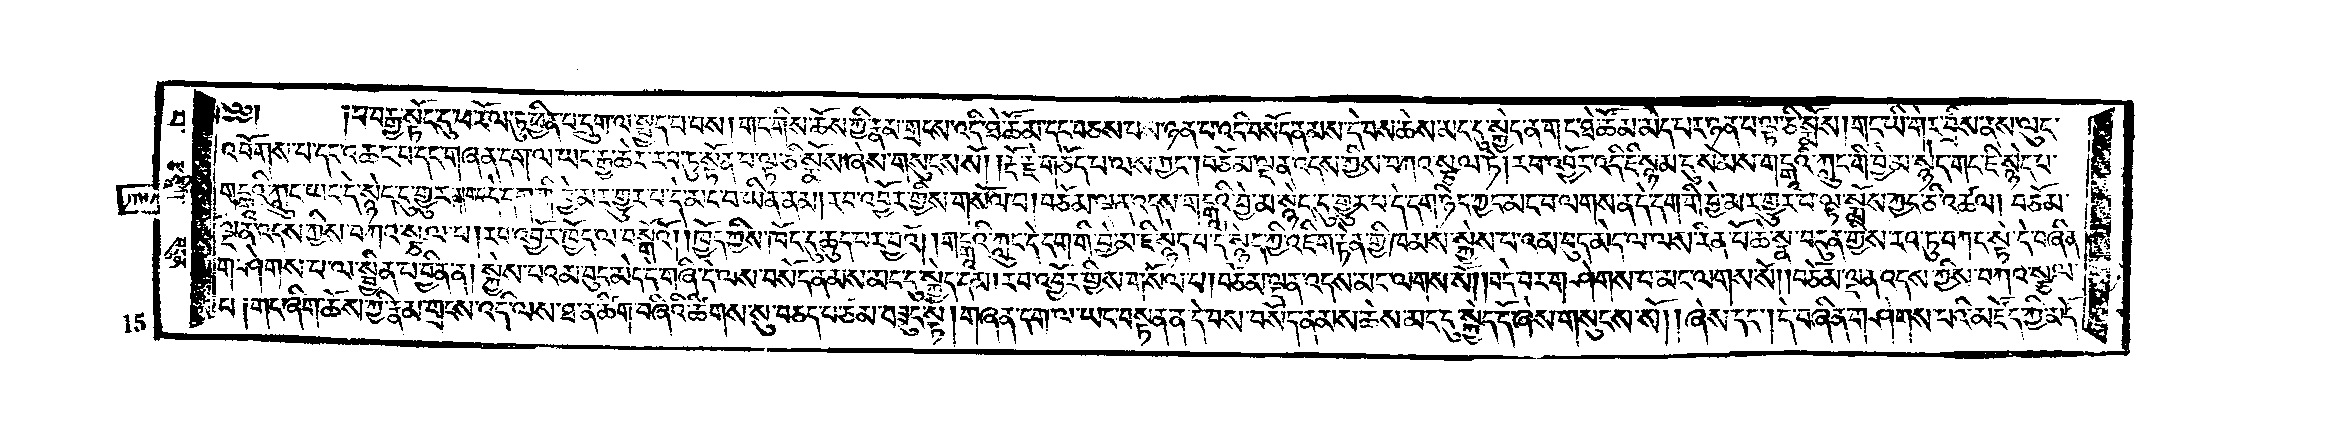༄༅། །པ་བརྒྱ་སྟོང་དུ་ཕ་རོལ་ཏུ་ཕྱིན་པ་དྲུག་ལ་སྤྱད་བ་བས། གང་གིས་ཆོས་ཀྱི་རྣམ་གྲངས་འདི་ཐེ་ཚོམ་དང་བཅས་པས་ཉན་པ་འདི་བསོད་ནམས་དེ་བད་ཆེས་མང་དུ་སྐྱེད་ན་གང་ཐེ་ཚོམ་མེད་པར་ཉན་པ་ལྟ་ཅི་སྨོས། ག་གྱི་ཡེ་བྲིས་ནས་ལུང་
འབོགས་པ་དང་འཆང་པ་དང་གཞན་དག་ལ་ཡང་རྒྱ་ཆེར་རབ་ཏུ་སྟོན་པ་ལྟ་ཅི་སྨོས་ཞེས་གསུངས་སོ། །རྡོ་རྗེ་གཅོད་པ་ལས་ཀྱང་། བཅོམ་ལྡན་འདས་ཀྱིས་བཀའ་སྩལ་ཏེ། རབ་འབྱོར་འདི་ཇི་སྙམ་དུ་སེམས་གངྒཱའི་ཀླུང་གི་བྱེ་མ་སྙེད་གང་ཇི་སྙེད་པ་
གངྒཱའི་ཀླུང་ཡང་དེ་སྙེད་དུ་གྱུར་ན། གང་དེ་དག་གི་བྱེ་མར་གྱུར་པ་དེ་མང་བ་ཡིན་ནམ། རབ་འབྱོར་གྱིས་གསོལ་བ། བཅོམ་ལྡན་འདས་གངྒཱའི་བྱེ་མ་སྙེད་དུ་གྱུར་པ་དེ་དག་ཉིད་ཀྱང་བཀང་བ་ལགས་ནས་དེ་དག་གི་བྱེ་མར་གྱུར་པ་ལྟར་སྨོས་ཀྱང་ཅི་འཚལ། བཅོམ་
ལྡན་འདས་ཀྱིས་བཀའ་སྩལ་པ། རབ་འབྱོར་ཁྱོད་ལ་བསྒོའོ། །ཁོང་དུ་ཆུད་པར་བྱའོ། །གངྒཱའི་ཀླུང་དེ་དག་གི་བྱེ་མ་ཇི་སྙེད་པ་དེ་སྙེད་ཀྱི་འཇིག་རྟེན་གྱི་ཁམས་སྐྱེས་པ་འམ་བུད་མེད་ལ་ལས་རིན་པོ་ཆེ་སྣ་བདུན་གྱིས་རབ་ཏུ་བཀང་སྟེ་དེ་བཞིན་
གཤེགས་པ་ལ་སྦྱིན་པ་བྱིན་ན། སྐྱེས་པའམ་བུད་མེད་དེ་གཞི་དེ་ལས་བསོད་ནམས་མང་དུ་སྐྱེད་དམ། རབ་འབྱོར་གྱིས་གསོལ་པ། བཅོམ་ལྡན་འདས་མང་ལགས་སོ། །བདེ་བར་གཤེགས་པ་མང་ལགས་སོ། །བཅོམ་ལྡན་འདས་ཀྱིས་བཀའ་སྩལ་
བ། གང་ཞིག་ཆོས་ཀྱི་རྣམ་གྲངས་འདི་ལས་ཐ་ན་ཚིག་བཞིའི་ཚིགས་སུ་བཅད་པ་ཙམ་བཟུང་སྟེ། གཞན་དག་ལ་ཡང་བསྟན་ན་དེ་བས་བསོད་ནམས་ཆེས་མང་དུ་སྐྱེད་དོ་ཞེས་གསུངས་སོ། །ཞེས་དང་། དེ་བཞིན་གཤེགས་པའི་མཛོད་ཀྱི་མོད་